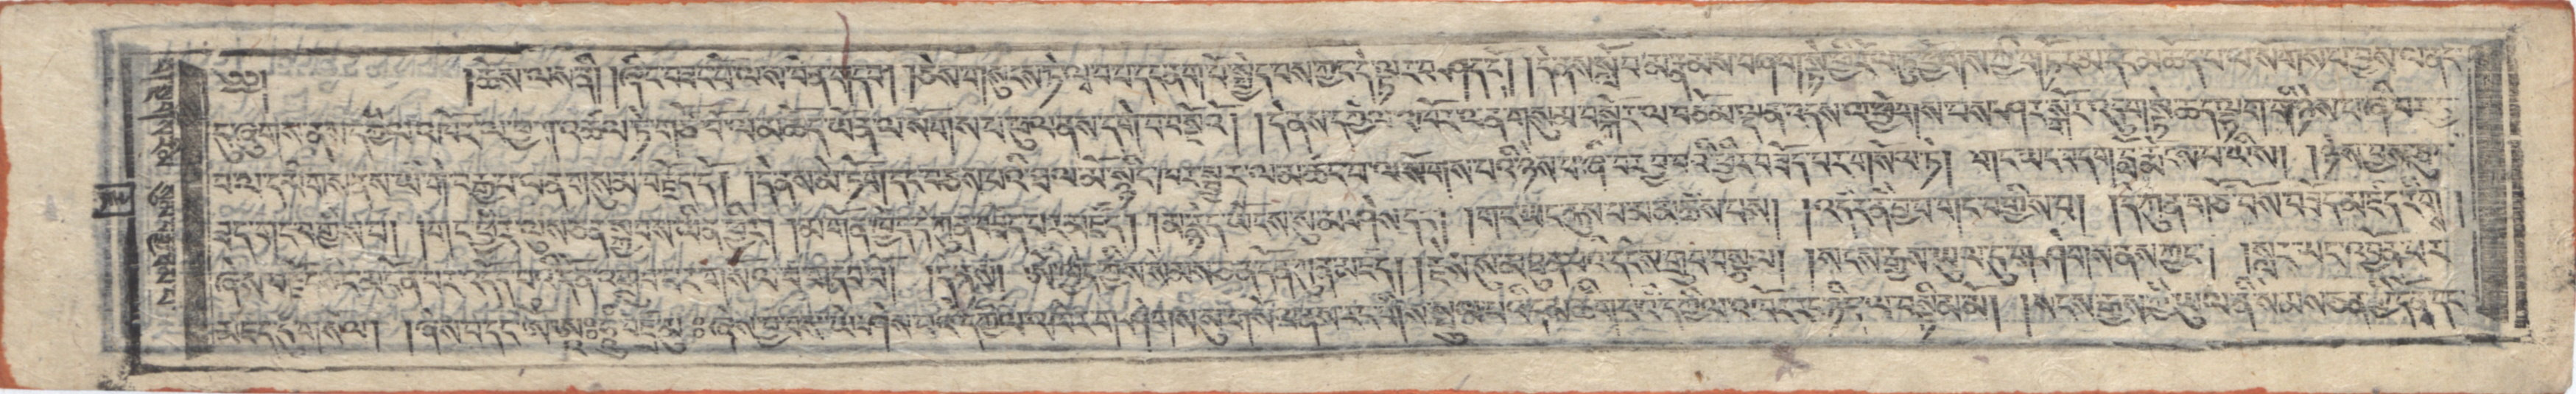༄༅། །ཆོས་ལས་ནི། །ཞིང་བཟང་པོ་ལ་ས་བོན་གདབ། །ཅེས་གསུངས་ཏེ་ལྭ་བ་པ་དང་ནག་པོ་སྤྱོད་པས་ཀྱང་དེ་ལྟར་བཤད་དོ། །དེ་ནས་སློབ་མ་རྣམས་བཞག་སྟེ་ཕྱི་རོལ་ཏུ་ཕྱོགས་ཀྱི་གཏོར་མ་དང་མཆོད་པ་ལ་སོགས་པ་བྱས་ལ་ནང་
དུ་ཞུགས་ནས་དཀྱིལ་འཁོར་ལ་ཕྱག་འཚལ་ཏེ་གཙོ་བོ་ལ་མཆོད་ཡོན་ལ་སོགས་པ་ཕུལ་ནས་དགེ་བ་བསྔོའོ། །དེ་ནས་དཀྱིལ་འཁོར་ལན་གསུམ་བསྐོར་ལ་བཅོམ་ལྡན་འདས་ལ་ཕྱོགས་པས་ཤར་སྒོར་འདུག་སྟེ་ཆད་ལྷག་གི་ཉེས་པ་ཞི་བར་བྱ་
བ་ལ་དམིགས་ནས་ཡི་གེ་བརྒྱ་པ་ལན་གསུམ་བརྗོད་དོ། །དེ་ནས་མེ་ཏོག་དང་བཅས་པའི་ཐལ་མོ་སྙིང་ཁར་སྦྱར་ལ་མ་ཚང་བ་ལ་སོགས་པའི་ཉེས་པ་ཞི་བར་བྱ་བའི་ཕྱིར་བཟོད་པར་གསོལ་ཏེ། གང་ཡང་བདག་བློ་རྨོངས་པ་ཡིས། །ཉེས་བྱས་ཅུང་
ཟད་གང་བགྱིས་པ། །གང་ཕྱིར་ལུས་ཅན་སྐྱབས་ཡིན་ཕྱིར། །མགོན་ཁྱོད་དེ་ཀུན་བཟོད་པར་མཛོད། །མ་རྙེད་ཡོངས་སུ་མ་ཤེས་དང་། །གང་ཡང་ནུས་པ་མ་མཆིས་པས། །འདིར་ནི་བྱ་བ་གང་བགྱིས་བ། །དེ་ཀུན་གཙོ་བོས་བཟོད་མཛད་རིགས་།
ཞེས་བརྗོད་ཅིང་མངོན་པར་འདོད་པའི་དོན་འགྲུབ་པར་གསོལ་བ་གདབ་བོ། །དེ་ནས། ཨོཾ་ཁྱེད་ཀྱིས་སེམས་ཅན་དོན་ཀུན་མཛད། །རྗེས་སུ་མཐུན་པའི་དངོས་གྲུབ་བསྩོལ། །སངས་རྒྱས་ཡུལ་དུ་གཤེགས་ནས་ཀྱང་། །སླར་ཡང་འབྱོན་པར་
མཛད་དུ་གསོལ། །ཞེས་པ་དང་ཨོཾ་ཨཱཿ ཧཱུཾ་བཛྲ་མུཿ ཞེས་བྱ་བས་ཡེ་ཤེས་པའི་དཀྱིལ་འཁོར་གཤེགས་སུ་གསོལ་ནས་རང་གིས་སྤྲུལ་པའི་དམ་ཚིག་པའི་དཀྱིལ་འཁོར་རང་ཉིད་ལ་བསྟིམ་མོ། །སངས་རྒྱས་ཀྱི་ཡུལ་ནི་སེམས་ཅན་གྱི་དོན་དང་